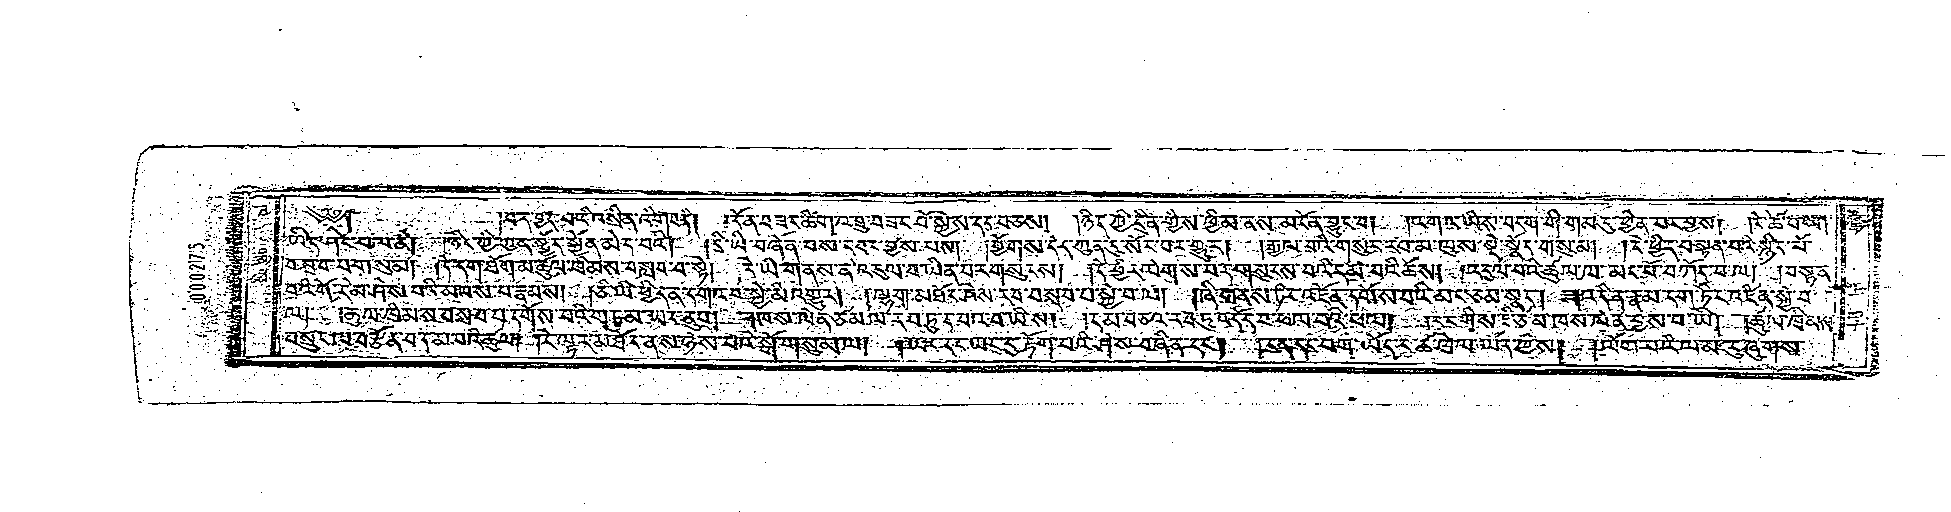༄༅། །བར་བྱང་པའི་འྶྲིན་འགིབ?་ནི། །དོན་བཟང་ཚིག་འབྲུ་བཟང་པོ་སྐྱེས་དང་བཅས། །ཉིད་ཀྱི་དྲིན་གྱིས་ཁྱིམ་ནས་མངོན་བྱུང་བ། །འགའ་ཡིས་བདག་གི་གམ་དུ་ཕྱིན་པར་བྱས། །དེ་ཚེ་བདག་
ཡིད་ཤིང་པལ་ནི། །ཉིད་ཀྱི་ཀུན་སྤྱོད་སྐྱོན་མེད་པའི། །དྲི་ཡི་བཞོན་བས་དབང་བྱས་པས། །ཕྱོགས་དེར་ཀུན་དུ་སོང་བར་གྱུར། །རྒྱལ་བའི་གསུང་རབ་མ་ཁུས་སྡེ་སྣོད་གསུམ། །དེ་ཕྱིར་བསྟན་པའི་སྙིང་པོ་
བསླབ་པ་གསུམ། །དེ་དག་ཐོག་མ་ཚུལ་ཁྲིམས་བསླབ་པ་སྟེ། །དེ་ཡི་གནས་ན་འདུལ་བ་ཡིན་པར་གསུངས། །དེ་ཕྱིར་ལེགས་པར་གསུངས་པའི་དམ་པའི་ཆོས། །འདུལ་བའི་ཚུལ་ལ་མང་པོ་བཀོད་པ་ལ། །བསྟན་
བའི་གོ་རིམ་ཤེས་པའི་མཁས་པ་རྣམས། །ཅི་ཡི་ཕྱིར་ན་དགའ་བ་སྐྱེ་མི་འགྱུར། །ལྷག་མཐོང་ཤེས་རབ་བསླབ་པ་སྐྱེ་བ་ལ། །ཞི་གནས་ཏིང་འཛིན་དགོས་པའི་མང་ཙམ་སྣང་། །འདི་ན་རྣམ་དག་ཏིང་འཛིན་སྐྱེ་བ་
ལ། །ཚུལ་ཁྲིམས་བསླབ་པ་དགོས་པའི་གཏམ་ཡང་ནུབ། །ཁས་ལེན་ཙམ་ལ་རབ་ཏུ་དཔའ་བ་ཡིས། །དམ་བཅའ་རབ་ཏུ་འདོད་པ་ཕལ་བའི་ཕལ། །རང་གིས་ཇི་ཙམ་ཁས་ལེན་བྱས་པ་ཡི། །ཚུལ་ཁྲིམས་
བསྲུང་ལ་བརྩོན་བ་དམ་པའི་ཚུལ། །དེ་ལྟར་མཐོང་ནས་ཉེས་བའི་སྒོ་གསུམ་ལ། །ཡང་དང་ཡང་དུ་རྟོག་པའི་ཤེས་བཞིན་དང་། །དྲན་དང་བག་ཡོད་རོ་ཚ་ཁྲེལ་ཡོད་ཀྱིས། །ལོག་བའི་ལམ་དུ་ཞུགས་